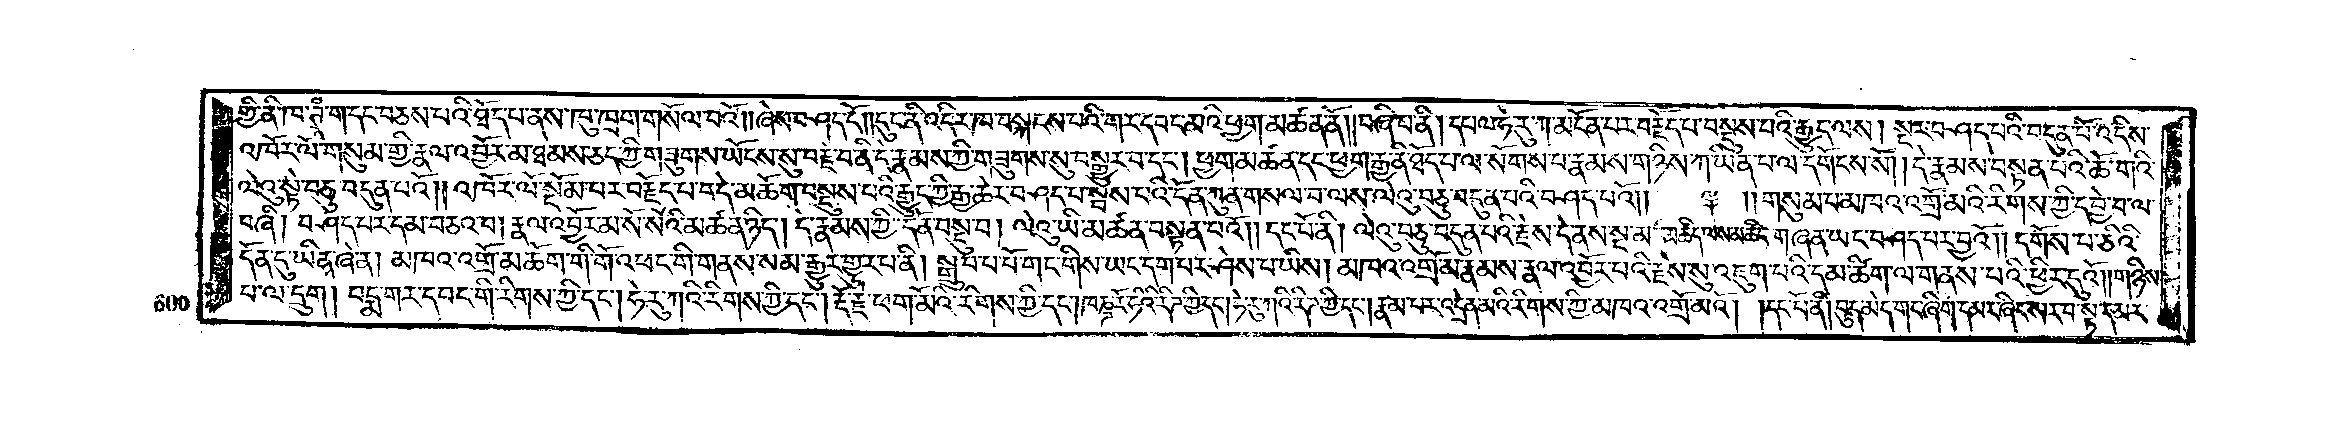གྱི་ནི་ཁ་ཊྲཱཾ་ག་དང་བཅས་པའི་ཐོད་པ་ནས་ཁུ་ཁྲག་གསོལ་བའོ། །ཞེས་བཤད་དོ། །དུང་ནི་འདིར་ཁ་བསྐངས་པའི་གར་དབང་མའི་ཕྱག་མཚན་ནོ། །བཞི་པ་ནི། དཔལ་ཧེ་རུ་ཀ་མངོན་པར་བརྗོད་པ་བསྡུས་པའི་རྒྱུད་ལས། སྔར་བཤད་པའི་བདུན་པོ་འདིས་
འཁོར་ལོ་གསུམ་གྱི་རྣལ་འབྱོར་མ་ཐམས་ཅད་ཀྱི་གཟུགས་ཡོངས་སུ་བརྗེ་བ་ནི་དེ་རྣམས་ཀྱི་གཟུགས་སུ་བསྒྱུར་བ་དང་། ཕྱག་མཚན་དང་ཕྱག་རྒྱ་ནི་ཐོད་པ་ལ་སོགས་པ་རྣམས་གཉིས་ཀ་ཡིན་པ་ལ་དགོངས་སོ། །དེ་རྣམས་བསྟན་པའི་ཆོ་གའི་
ལེའུ་སྟེ་བཅུ་བདུན་པའོ། །འཁོར་ལོ་སྡོམ་པར་བརྗོད་པ་བདེ་མཆོག་བསྡུས་པའི་རྒྱུད་ཀྱི་རྒྱ་ཆེར་བཤད་པ་སྦས་པའི་དོན་ཀུན་གསལ་བ་ལས་ལེའུ་བཅུ་བདུན་པའི་བཤད་པའོ།། ༈ །།གསུམ་པ་མཁའ་འགྲོ་མའི་རིགས་ཀྱི་དབྱེ་བ་ལ་
བཞི། བཤད་པར་དམ་བཅའ་བ། རྣལ་འབྱོར་མ་སོ་སོའི་མཚན་ཉིད། དེ་རྣམས་ཀྱི་དོན་བསྡུ་བ། ལེའུ་ཡི་མཚན་བསྟན་པའོ། །དང་པོ་ནི། ལེའུ་བཅུ་བདུན་པའི་རྗེས་དེ་ནས་སྔ་མའི་མཚིད་ལས་མཚིད་གཞན་ཡང་བཤད་པར་བྱའོ། །དགོས་པ་ཅིའི་
དོན་དུ་ཡིན་ཞེ་ན། མཁའ་འགྲོ་མཆོག་གི་གོ་འཕང་གི་གནས་སམ་རྒྱུར་གྱུར་པ་ནི། སྒྲུབ་པ་པོ་གང་གིས་ཡང་དག་པར་ཤེས་པ་ཡིས། མཁའ་འགྲོ་མ་རྣམས་རྣལ་འབྱོར་པའི་རྗེས་སུ་འཇུག་པའི་དམ་ཚིག་ལ་གནས་པའི་ཕྱིར་དུའོ། །གཉིས་
པ་ལ་དྲུག། པདམ་གར་དབང་གི་རིགས་ཀྱི་དང་། ཧེ་རུ་ཀའི་རིགས་ཀྱི་དང་། རྡོ་རྗེ་ཕག་མོའི་རིགས་ཀྱི་དང་། ཁཎྜ་རོ་ཧིའི་རིགས་ཀྱི་དང་། ཧེ་རུ་ཀའི་རིགས་ཀྱི་དང་། རྣམ་པར་འདྲེན་མའི་རིགས་ཀྱི་མཁའ་འགྲོ་མའོ། །དང་པོ་ནི། བུད་མེད་གང་ཞིག་དམར་ཞིང་སེར་བ་སྟེ་དམར་